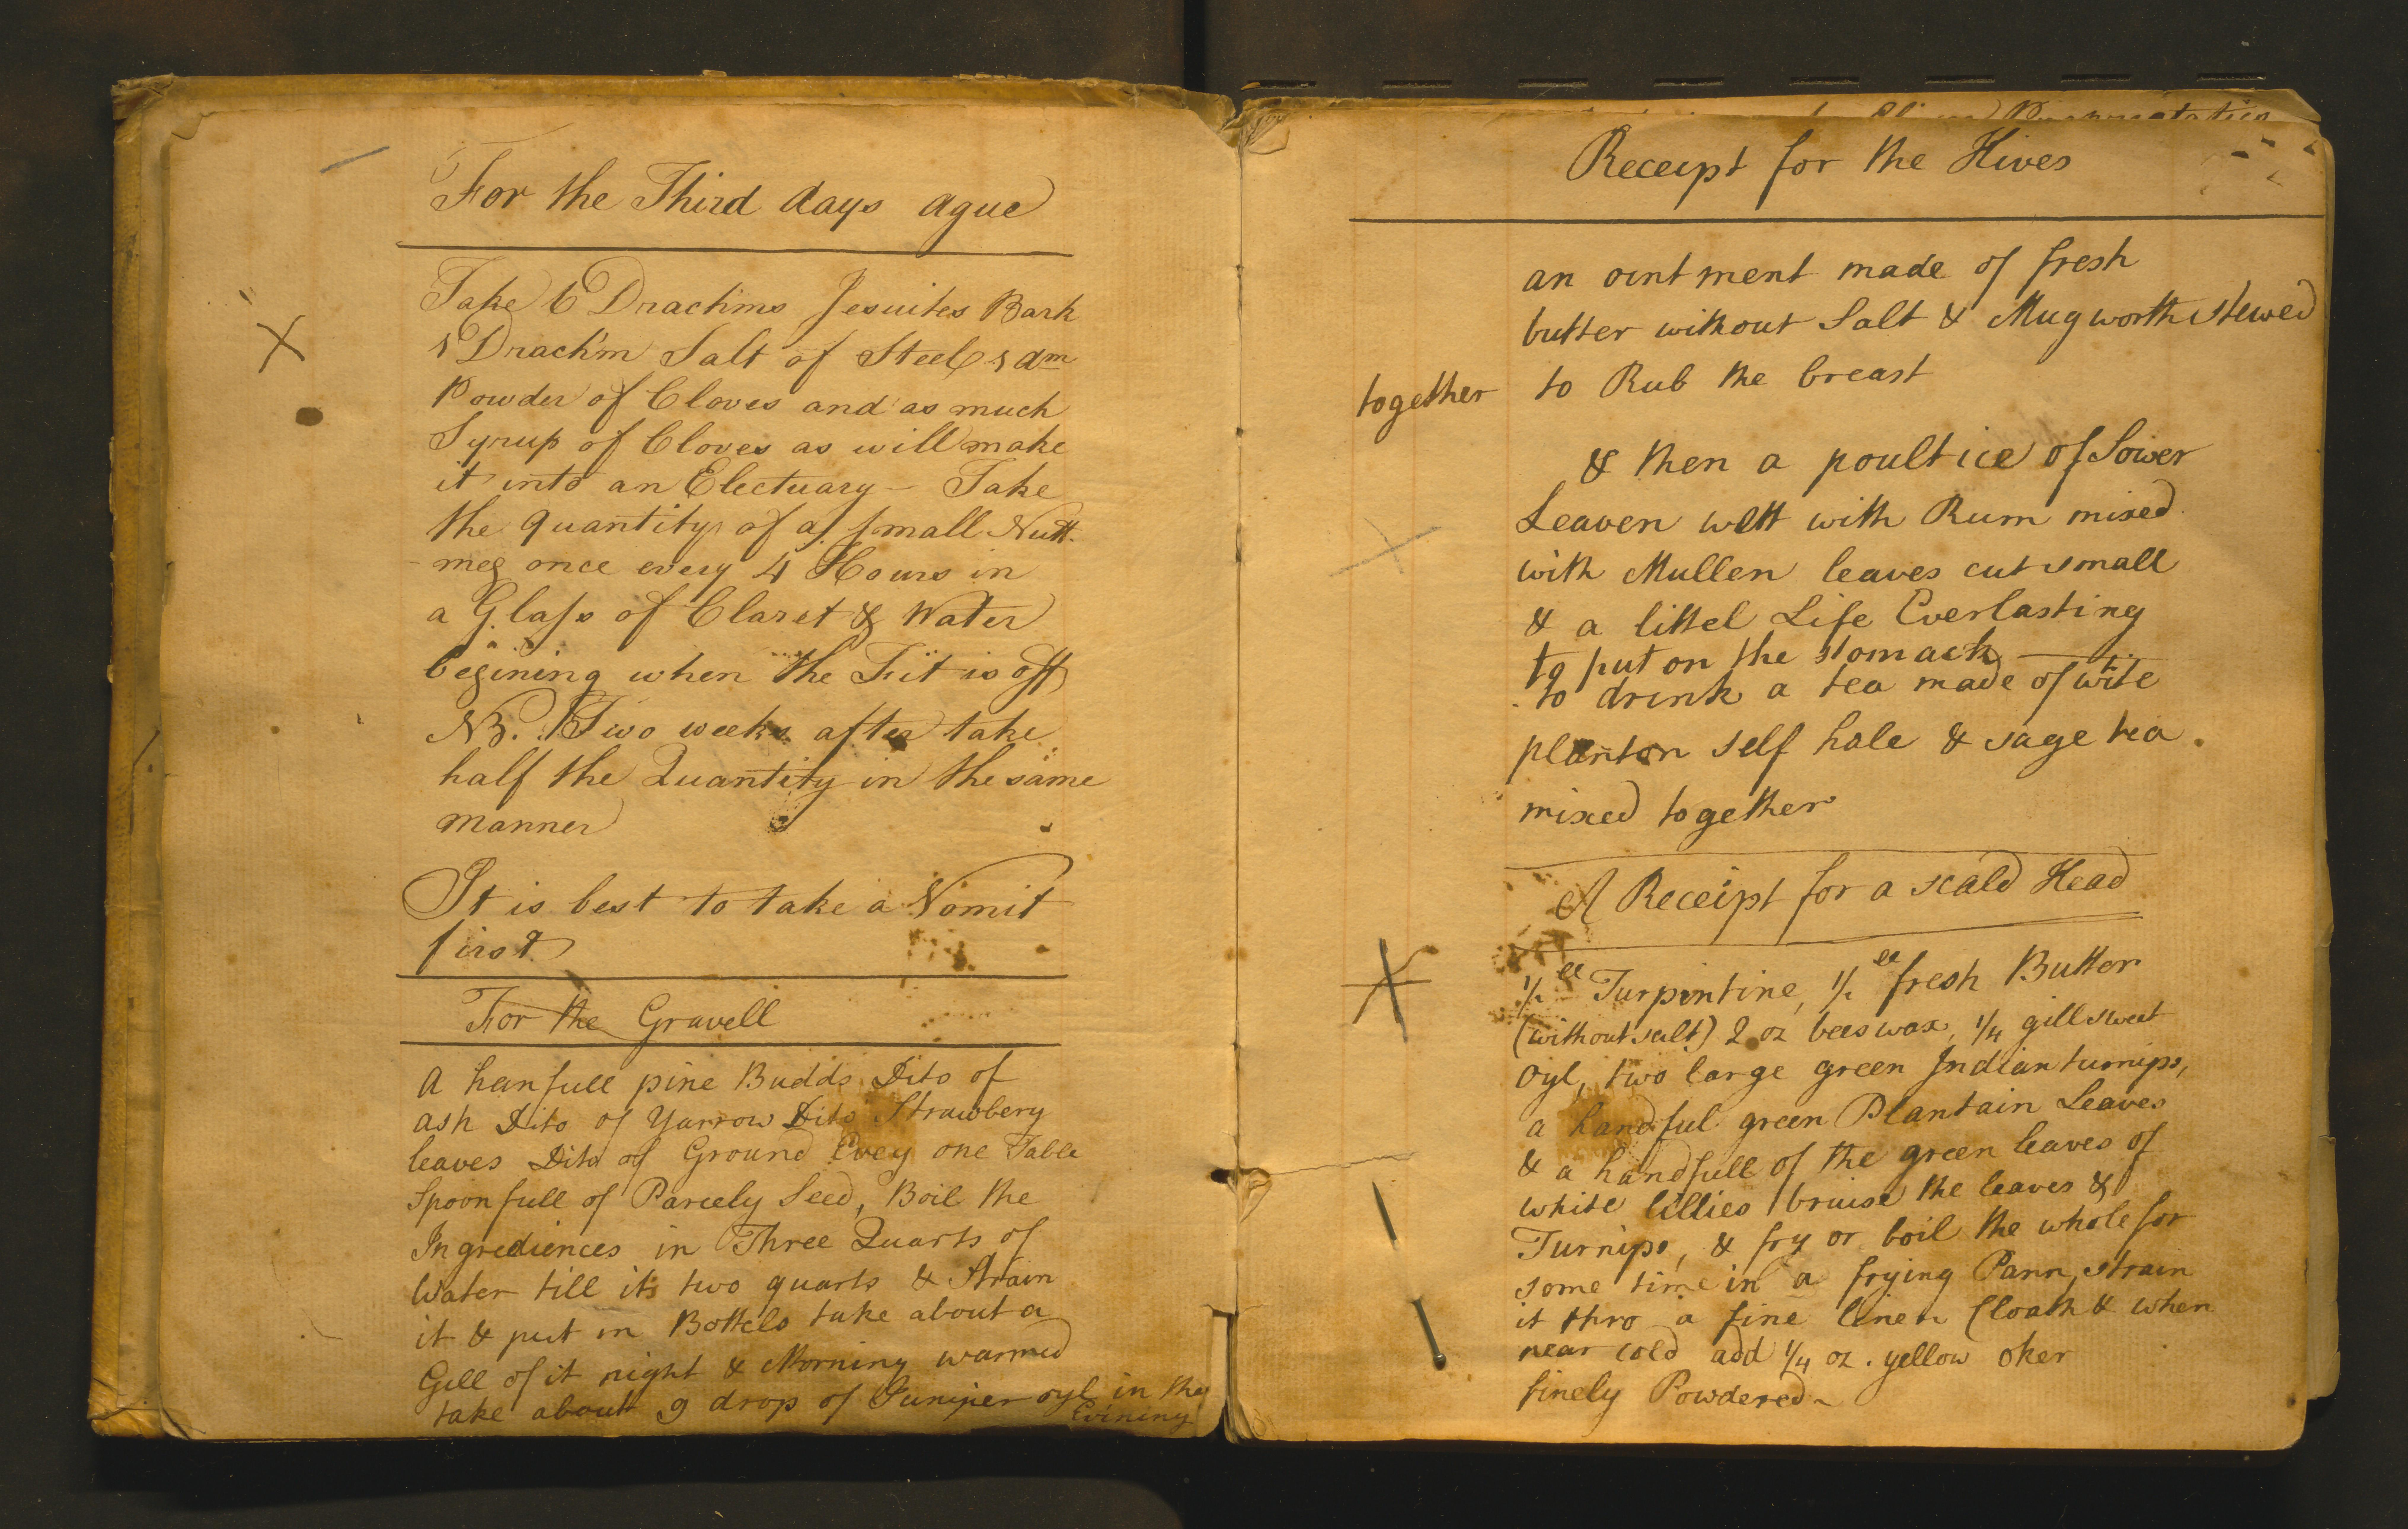For the Third days ague
Take 6 Drachims Jesuites Bark
1 Drachim Salt of Steel 1 d^m
Powder of Cloves and as much
Syrup of Cloves as will make
it into an Electuary- Take
the quantity of a small Nutt
meg once every 4 Hours in
a Glass of Claret & Water
beginning when the Fit is off
NB. Two weeks after take
half the Quantity in the same
manner
It is best to take a Vomit
first.
For the Gravell
A hanfull ppine Budds Dito of
ash Dito of Yarrow Dito Strawberry
leaves Dito of Ground Evey one Table
spoon full of Parcely seed, Boil the
Ingrediences in Three Quarts of
Water till its two quarts & strain
it & put in Bottels take about a
Gull of it night & Morning warmed
Evining
take about 9 drops of Juniper oyl in the
Receipt for the Hives
an ointment made of fresh
butter without salt & Mugworth stewed
together to Rub the breast
& then a poultice of Sower
Leaven welt with Rum mixed
with Mullen leaves cut small
& a littel Life Everlasting
to put on the stomack
to drink a tea made of wite
planton self hale & sage tea
mixed together
A Receipt for a scald Head
1/2 ^lb Tupentine 1/2 ^lb fresh Butter
(without salt) 2 oz beeswax, 1/4 gillsweet
Oyl, two large green Indian turnips,
a handful green Plantain Leaves
& a handfull of the green leaves of
white lillies bruise the leaves &
Turnips, & fry or boil the whole for
some time in a frying Pann, strain
it thro a fine linen Cloath & when
near cold add 1/4 oz. yellow oker
finely Powdered-